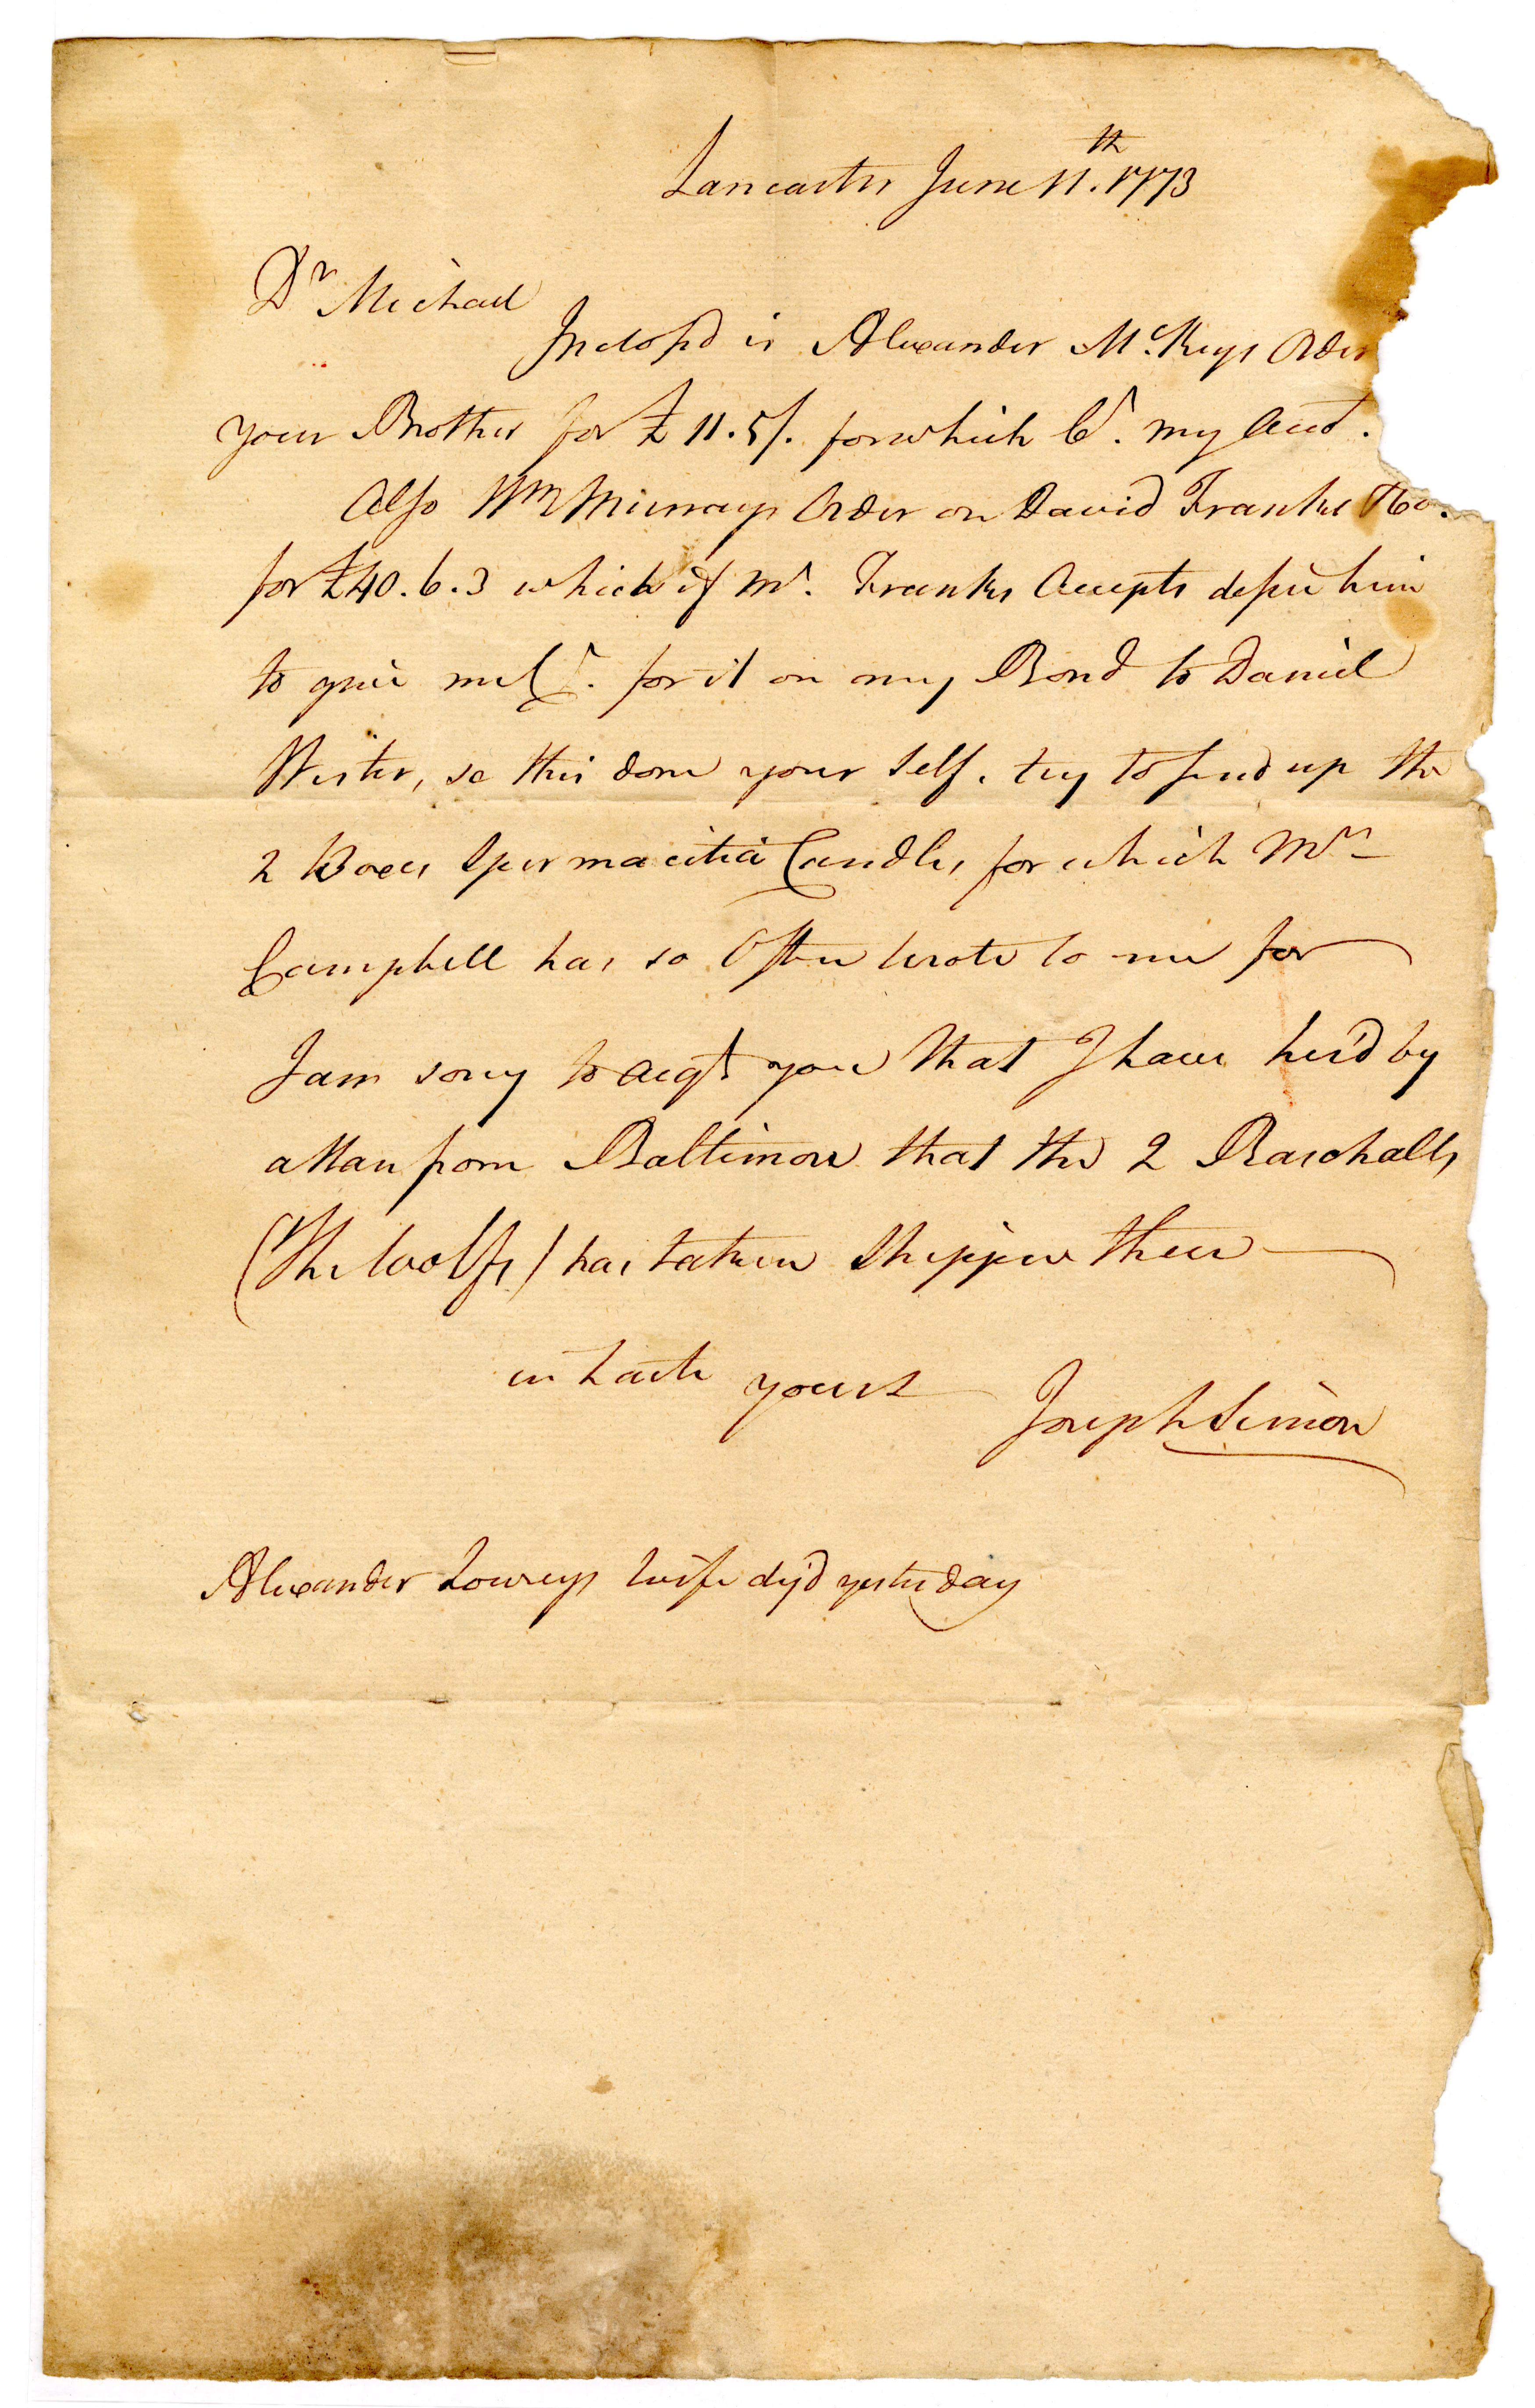Lancaster, June 11^th. 1773
D^r Michael
Inclosed is Alexander M^c.Kays order
your Brother for £11.5s. for which C^r. my Acco^t
Also W^m Murrays order on David Franks &Ca.
for £40.6.3 which if M^r. Franks Accepts desire him
to give me C^r. for it on my Bond to Daniel
Wister, so this done your Self. try to send up the
2 Boxes, your macitia Candle, for which M^r
Campbell has so Often wrote to me for
I am sorry to acq^t. you that I have her'd by
a Man from Baltimore that the 2 Raschalls
(the loalfs) has taken Shippen there.-
in haste yours
Joseph Simon
Alexander Lowrys wife dy'd yeserday